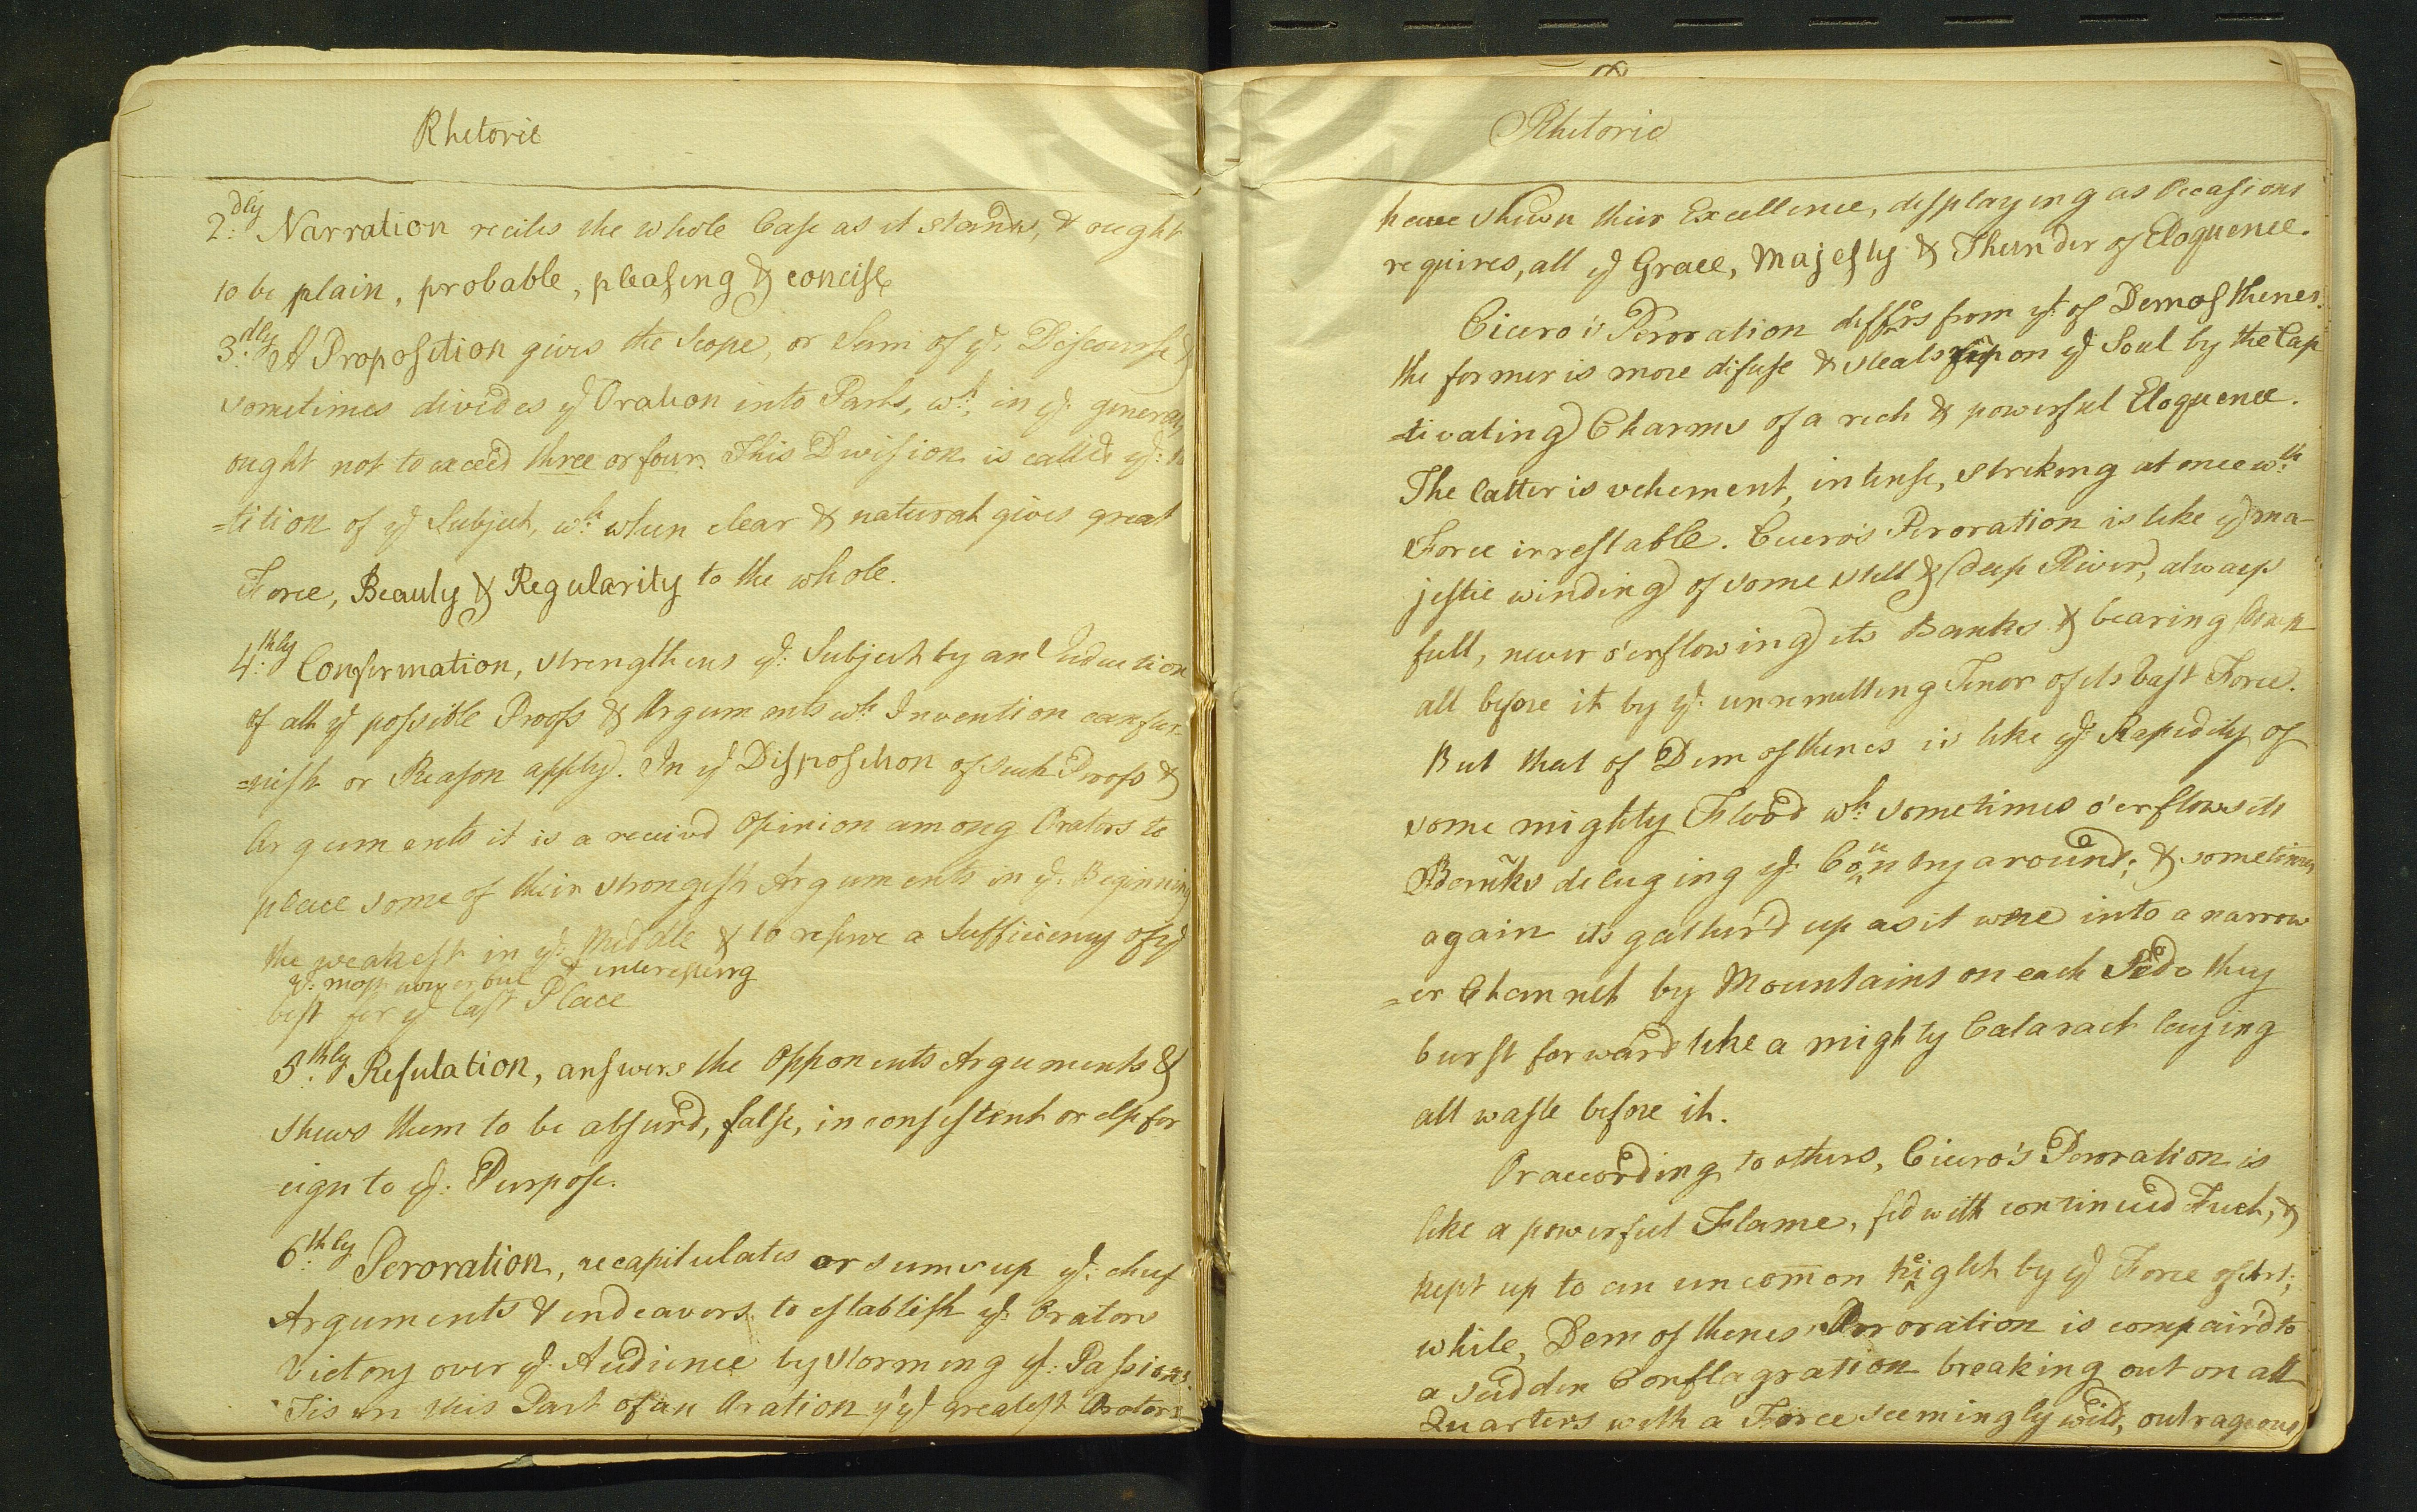Rhetoric
2^dly: Narration recites the whole Case as it stands, & ought
to be plain, probable, pleasing & concise
3^dly: A Proposition gives the Scope, or Serm of y^e Discourse &
sometimes divides y^ Oration into Parts, w^h in y^e general,
ought not to exceed three or four. This Division is called y^e: [__]
-tition of y^e Subject, w^h: when clear & natural gives great
Force, Beauty & Regularity to the whole.
4^thly: Confirmation, strengthens y^e Subject by an Induction
of all y^e possible Proofs & Arguments w^h Invention can fur-
-nish or Reason apply. In y^e Disposition of weak Proofs &
Arguments it is a receivd Opinion among Orators to
place some of their strongest Arguments in y^e: Beginning
the weakest in y^e: Midle & to refine a Sufficiency of y^e
y^e: most powerful & interesting
best for y^e last Place
5^thly. Refutation, answers the Opponents Arguments &
Shews them to be absurd, false, inconsistent or else for
-eign to y^e: Purpose.
6^thly: Peroration, recapitulates or sums up y^e: chief
Arguments & endeavors to establish y^e Orators
Victory over y^e. Audience by storming y^e: Passions.
Tis in this Part of an Oration y^t y^e greats Orators
Rhetoric
have shown their Excellence, displaying as Occasions
requires, all y^e Grace, Majesty & Thunder of Eloquence.
Cicero's Peroration diff^ers from y^e of Demosthenes
the former is more difuse & steals [up]on y^e Soul by the Cap
-tivating Charm of a rich & powerful Eloquence.
The latter is vehement, intense, striking at once w^th
Force irrestable. Cicero's Peroration is like a ma-
jestic winding of some still & deep River, always
full, never o'erflowing its Banks & bearing [____]
all before it by y^e. unremitting Tenor of its last Force.
But that of Demosthenes is like y^e Rapidity of
some mighty Flood w^h: sometimes o'erflows its
Banks deluging y^e Co^untry around; & sometimes
again its gather'd up as it were into a narrow
-er Channel by Mountains on each Side they
burst forward like a mighty Cataract levying
all waste before it.
Or according to others, Cicero's Peroration is
like a powerful Flame, fed with continued Fuel, &
kept up to an uncomon h^eight by y^e Force of it;
while, Demosthenes' Peroration is compair'd to
a sadder conflagration breaking out on all
Quarters with a Force seemingly wild, outrageous